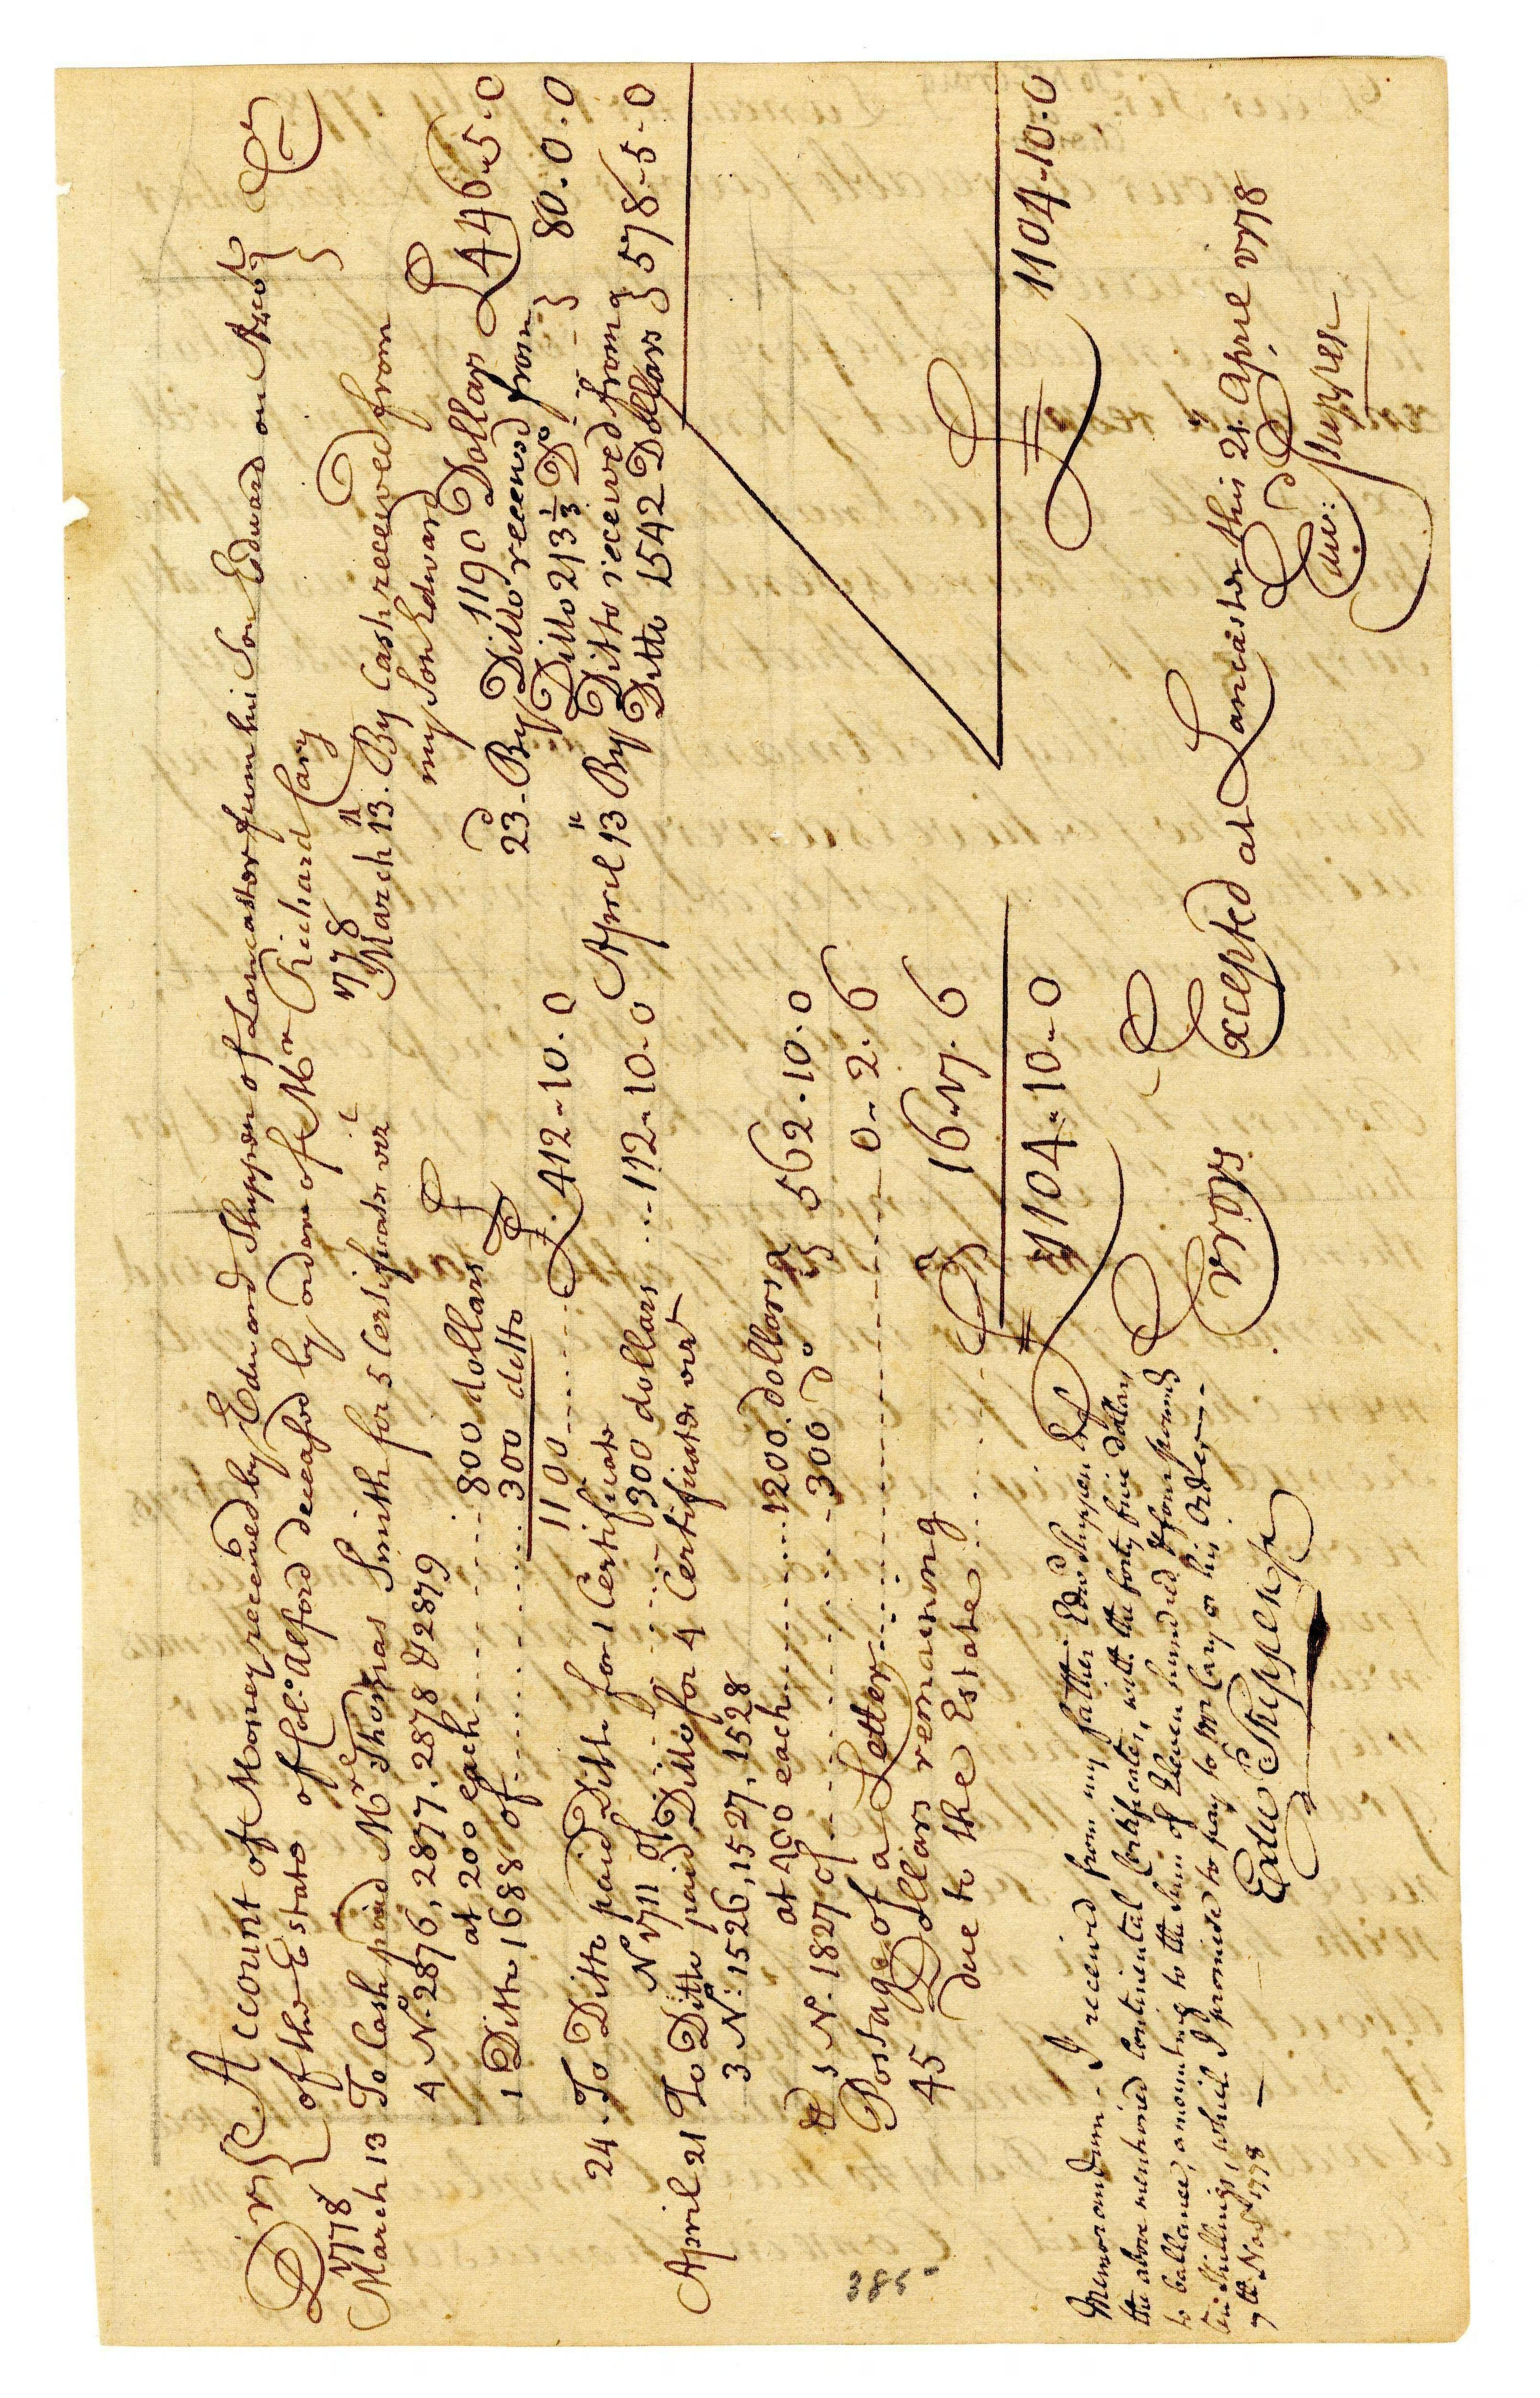Account of Money received by Edward Shippen of Lancaster frm his Son Edward on Acco^t
D^r of the Estate of Col^o. Alford deceased by order of M^r Richard Cary
1778
March 13 To Cash paid M^r Thomas Smith for 5 Certificates viz^t
4^ N^o. 2876, 2877. 2878 & 2879
at 200 each-------- 800 dollars
£
1 Ditto 1688 of------------300 ditto
1100
£412..10.0
24. To Ditto paid Ditto for 1 Certificate
N 1711 of ------------300 dollars ---112..10.0
April 21 To Ditto paid Ditto for 4 Certificates viz^t
3 N^o: 1526, 1527, 1528
at 400 each---------1200 dollars
& s N^o. 1827 of------------300 d^o 562.10.0
Postage of a Letter--------------------0..2.6
45 Dollars remaining
due to the Estate--------16..17.6
£ 1104..10..0
1778
March 13^th By Cash received from
my Son Edward
1190 Dollars £446..5.0
23^d- By Ditto received from
Dille 213 1/3 D^o
80.0.0
April 13^th By Ditto received from
Ditto 1542 Dollars} 578.5.0
£
1104..10.0
Errors
Excepted at Lancaster this 21^t. April 1778
Edw:^d Shippen
Edw^d: Shippen Jr
Memorandum. I received from my father Edw^d Shippen
the above mentioned Continental Certificates, with the forty five dollars
to ballance, amounting to the Sum of Eleven hundred & four pounds
ten shillings, which I promise to pay to M^r Cary on his Order--
7^th Nov^r 1778-